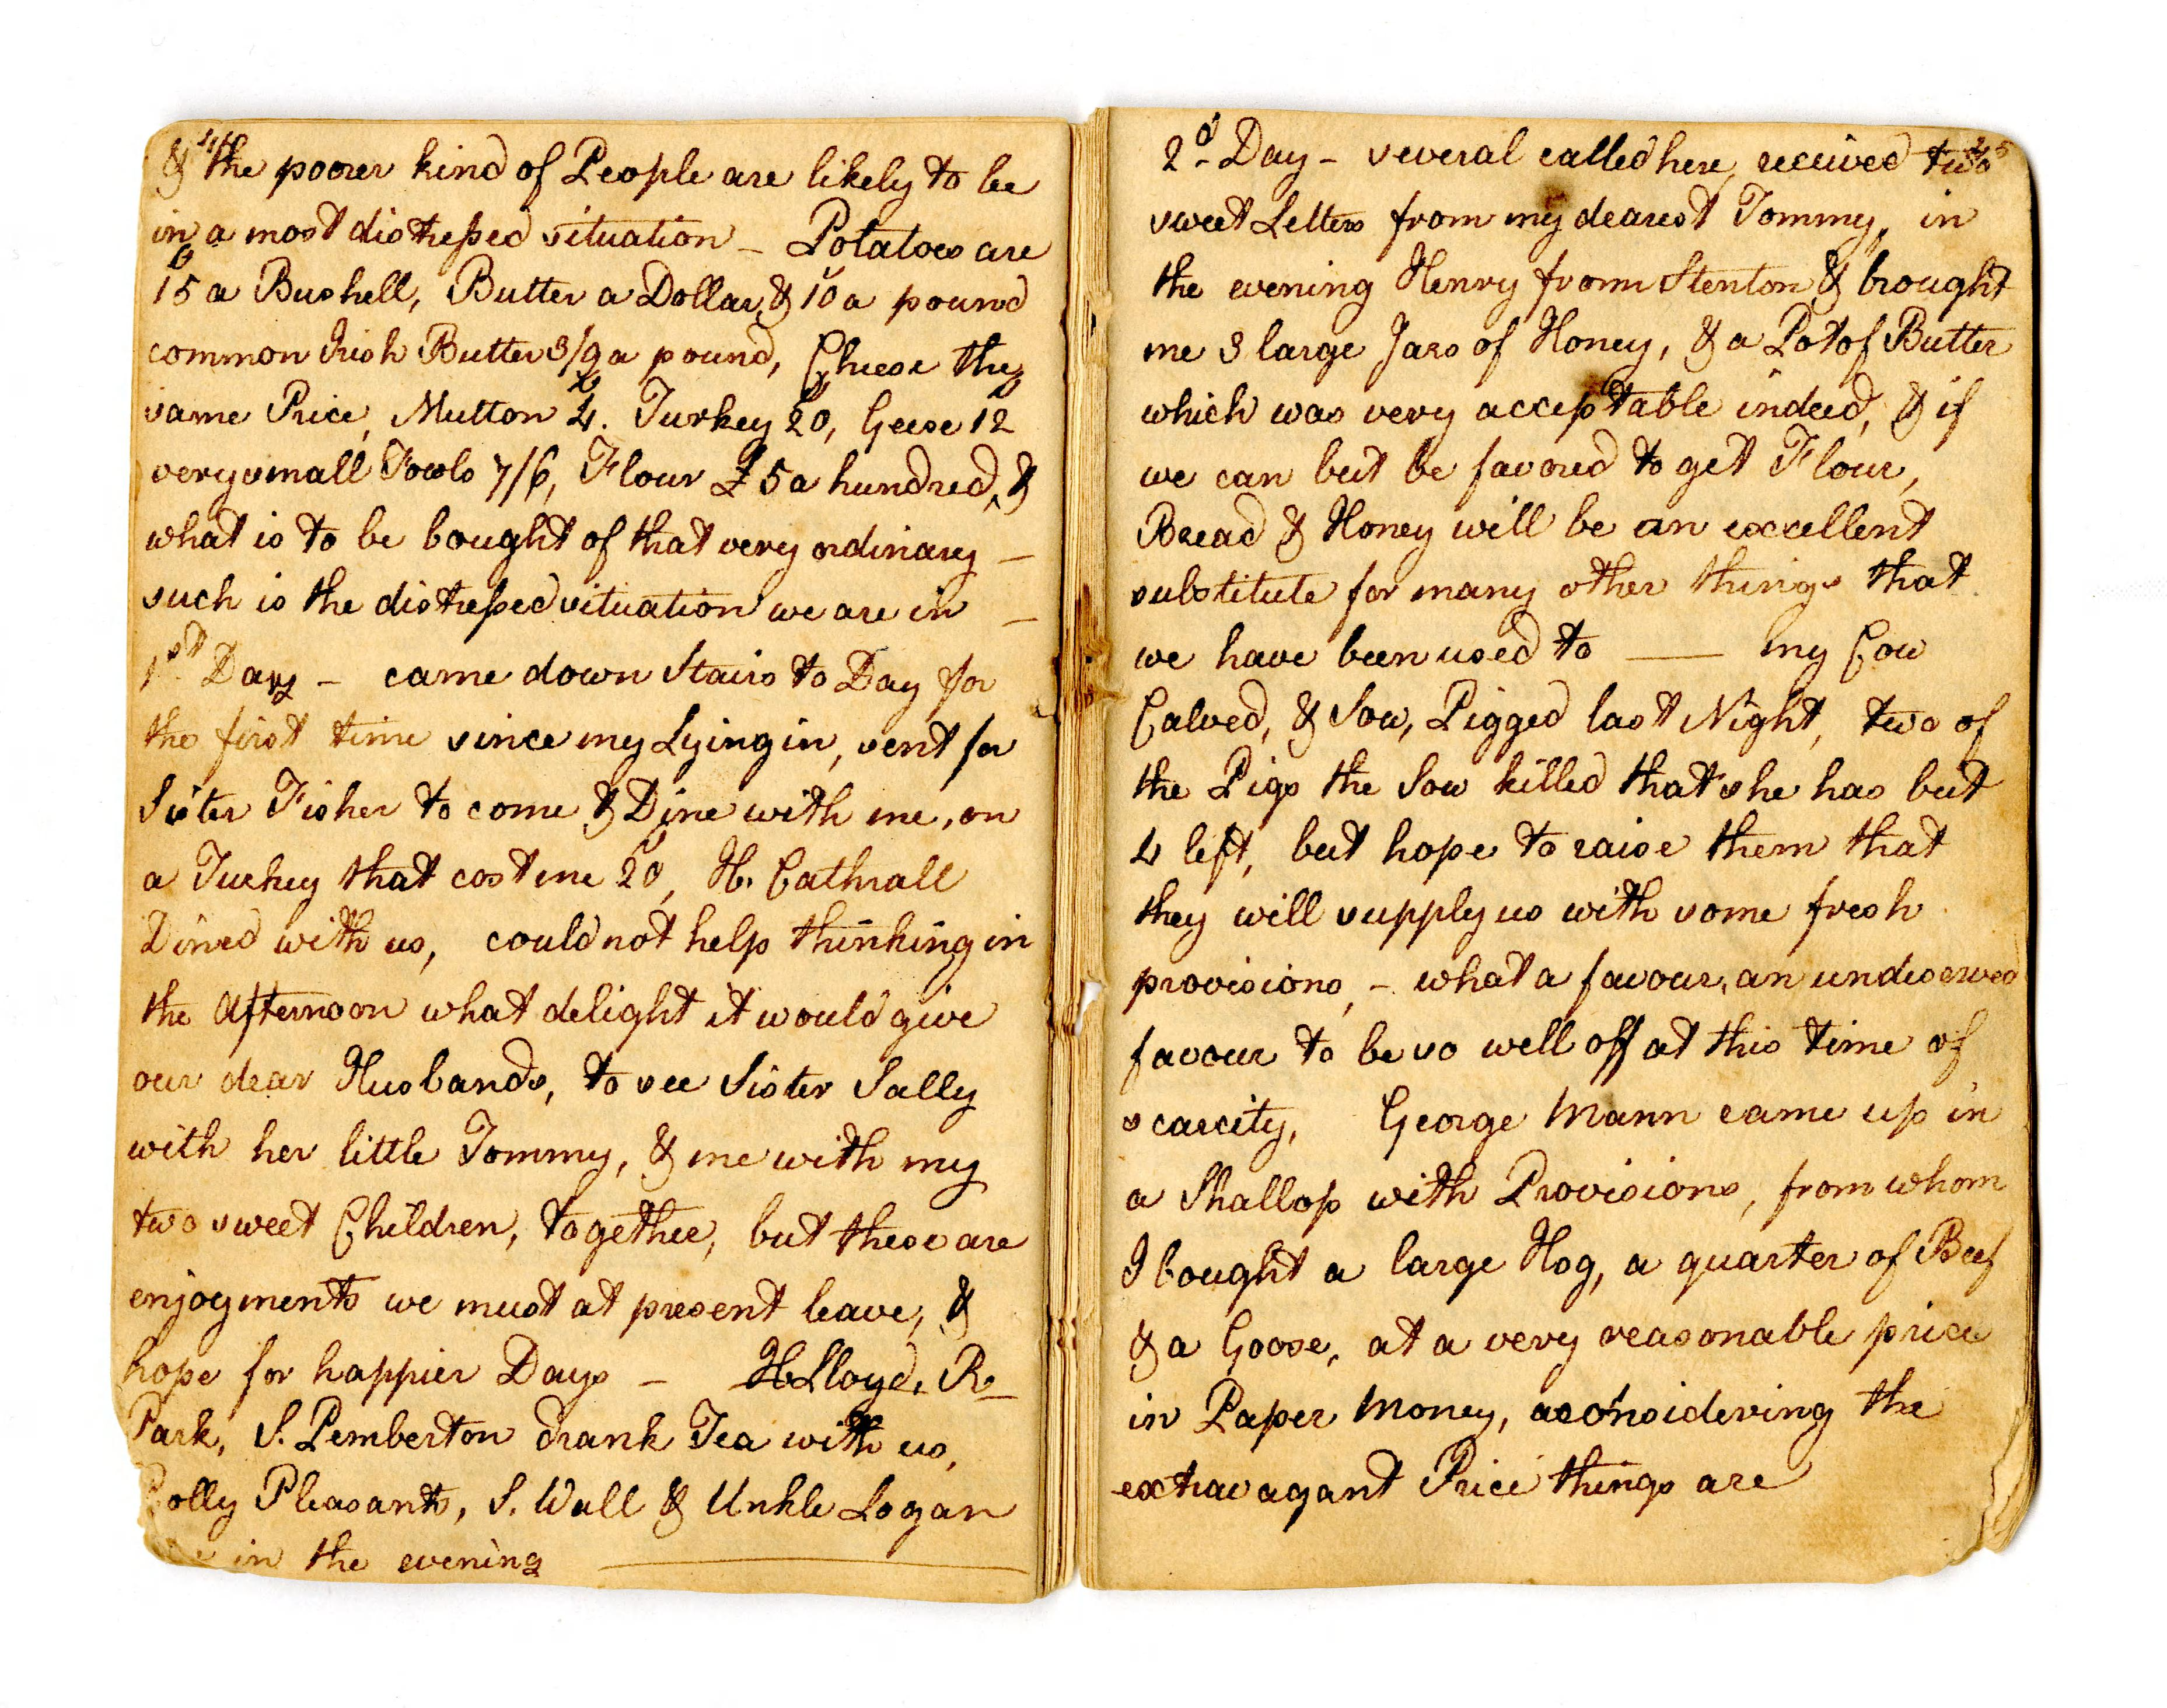44
& the poorer kind of People are likely to be
in a most distressed situation- Potatoes are
15 a Bushell, Butter a Dollar & 10^s a pound
common Irish Butter 3s9 a pound, Cheese the
same Price, Mutton 4. Turkey 20, Geese 12
very small Fowls 7s6, Flour £5 a hundred, &
what is to be bought of that very ordinary-
such is the distressed situation we are in-
1^st. Day- came down Stairs to Day for
the first time since my Lying in, sent for
Siter Fisher to come & Dine with me, on
a Turkey that cost me 20, H. Cathrall
Dined with us, could not help thinking in
the Afternoon what delight it would give
our dear Husbands, to see Sister Sally
with her little Tommy, & me with my
two sweet Children, together, but these are
enjoyments we must at present leave, &
hope for happier Days- H Lloyd, R-
Park, S. Pemberton drank Tea with us,
olly Pleasants, S. Wall & Unkle Logan
in the evening
2^d Day- several called here received two
sweet Letters from my dearest Tommy, in
the evening Henry from Stenton & brought
me 3 large Jars of Honey, & a Pot of Butter
which was very acceptable indeed, & if
we can but be favored to get Flour,
Bread & Honey will be an excellent
substitute for many other things that
we have been used to- my Cow
Calved, & Sow, Pigged last Night, two of
the Pigs the Sow killed that she has but
4 left, but hope to raise them that
they will supply us with some fresh
provisions- what a favour, an undeserved
favour to be so well off at this time of
scarcity. George Mann came up in
a Shallop with Provisions, from whom
I bought a large Hog, a quarter of Beef
& a Goose, at a very reasonable price
in Paper money, aconsidering the
extravagant Price things are